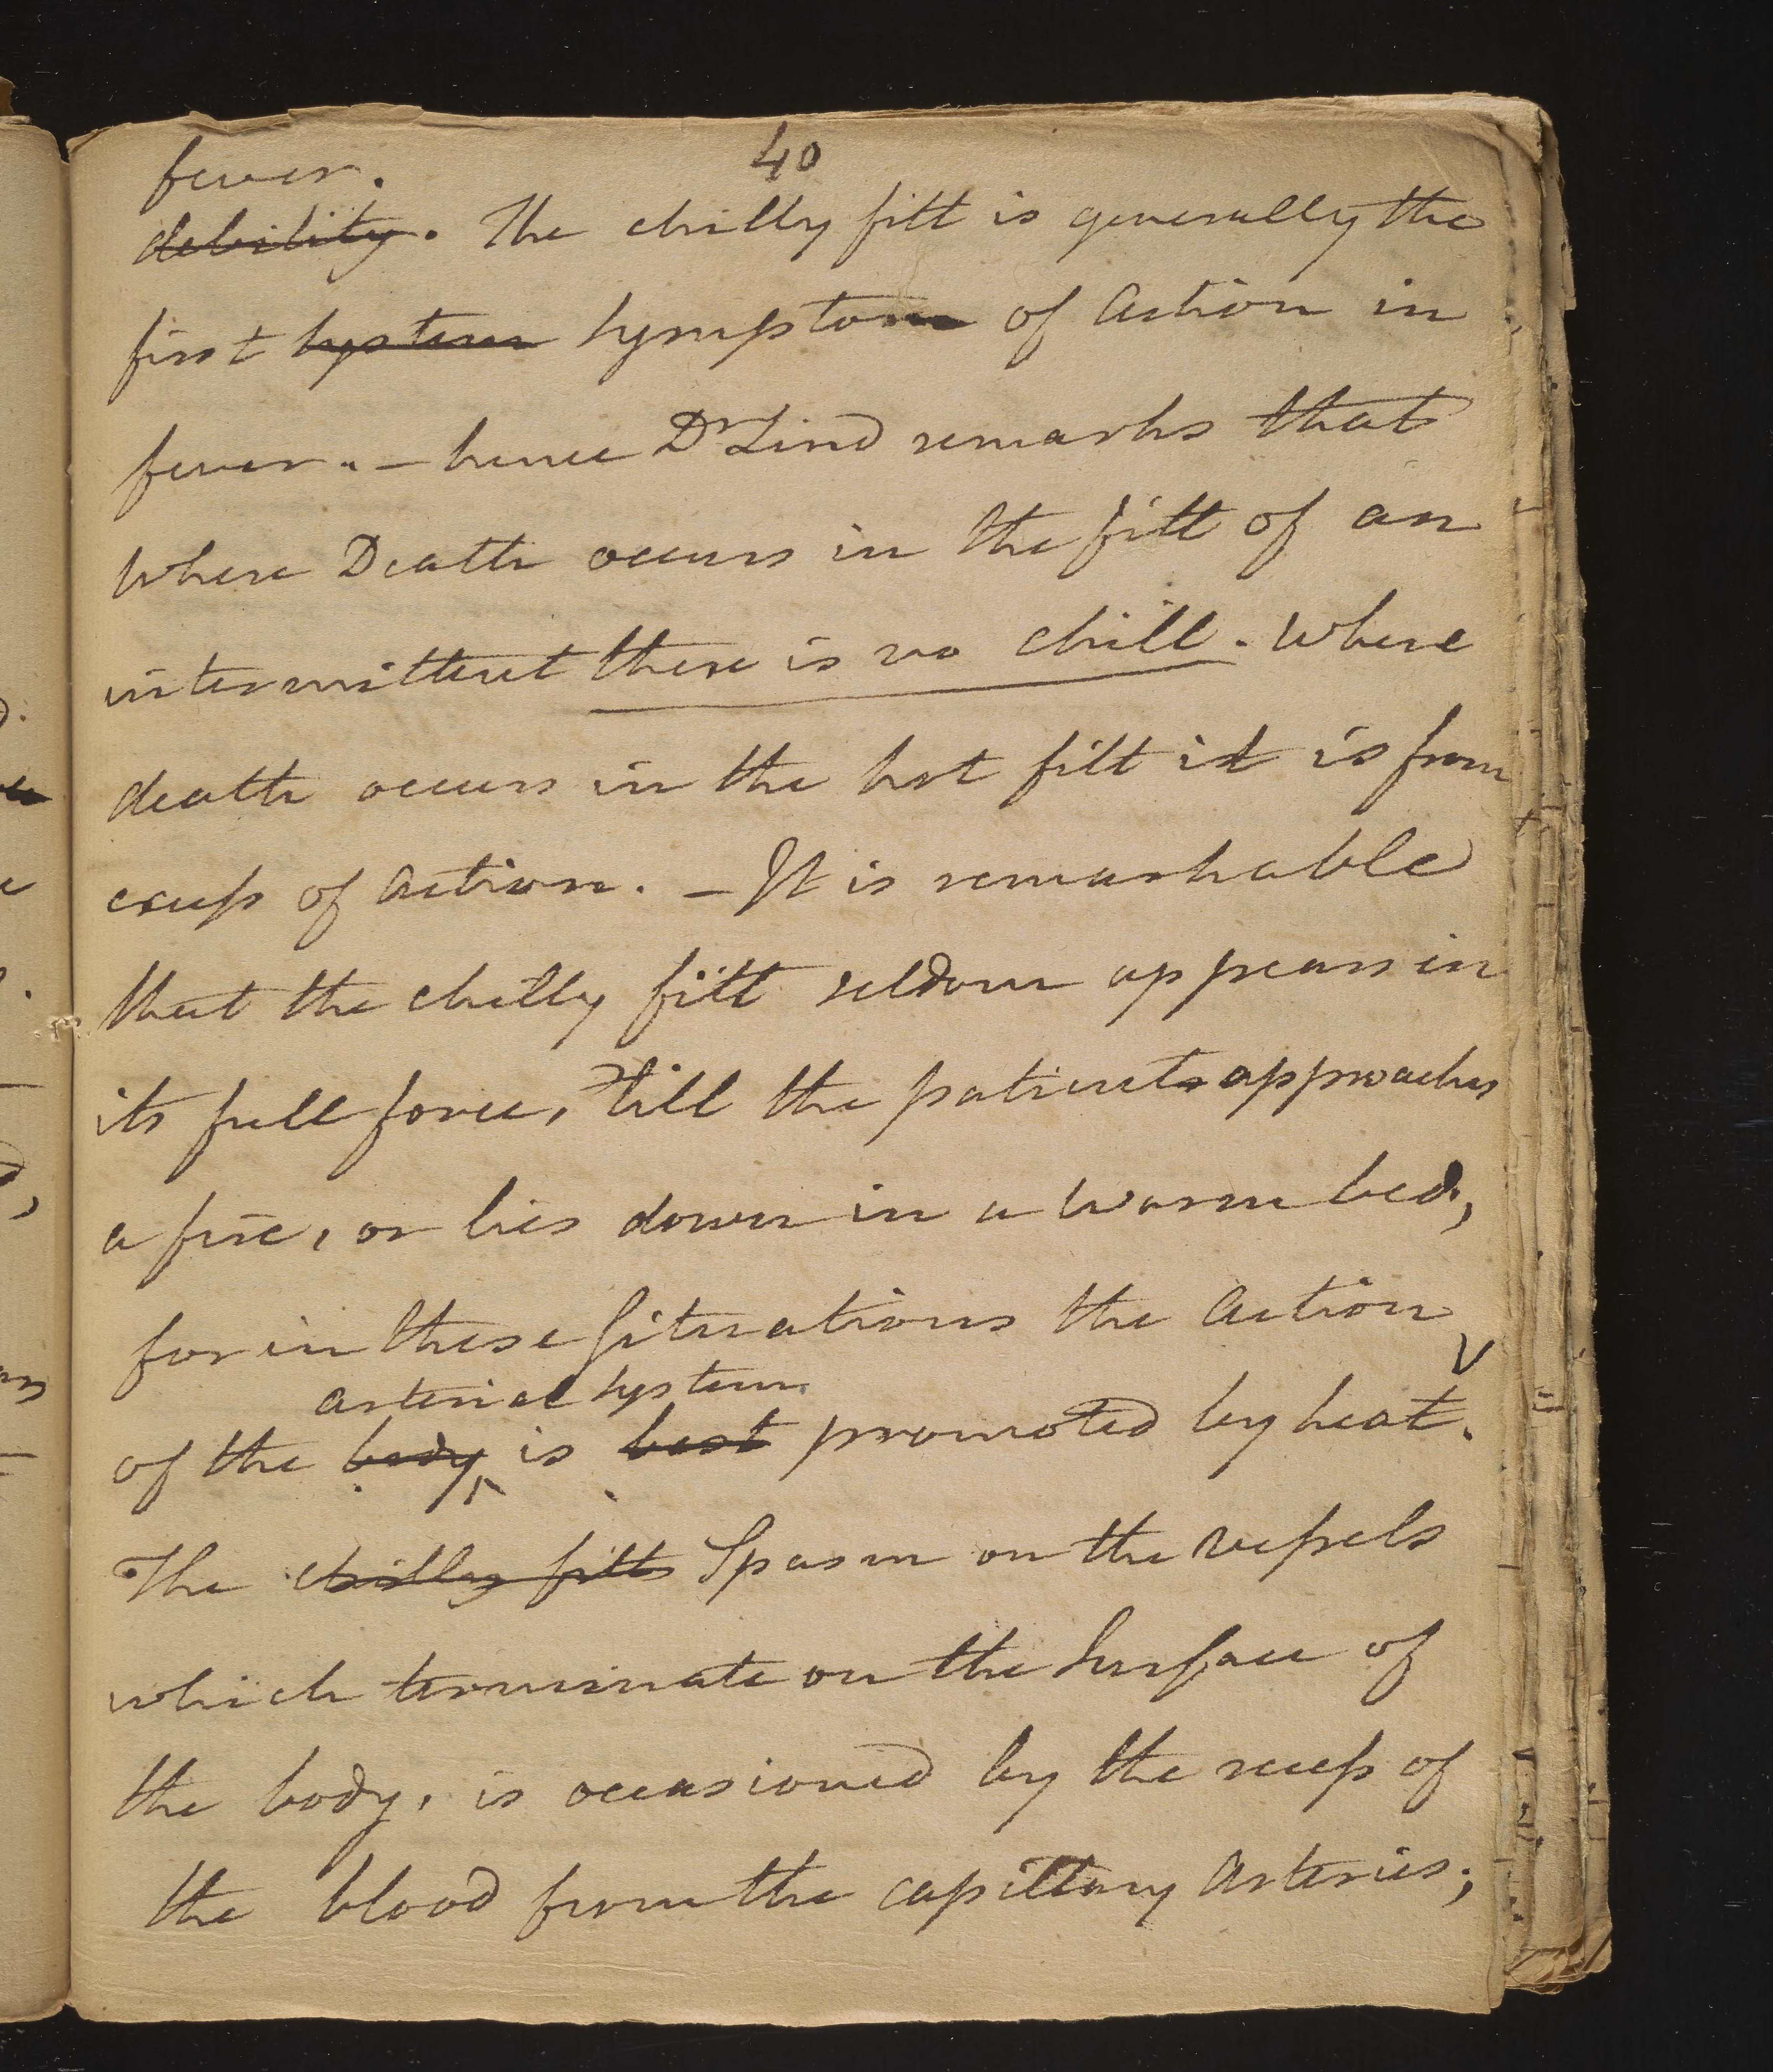fever.
40
[debility]. The chilly fitt is generally the
first [system] symptom of action in
fever.- hence D^r Lind remarks that
where Death occurs in the fitt of an
intermittent there is no chill. Where
death occurs in the hot fitt it is from
excess of action.- It is remarkable
that the chilly fitt seldom appears in
its full force, 'till the patient approaches
a fire, or lies down in a warm bed,
for in these situations the action
arterial system
of the [body] ^ is [best] promoted by heat.
The [chilly fitt] spasm on the vessels
which terminate on the surface of
the body, is occasioned by the excess of
the blood from the capillary arteries;